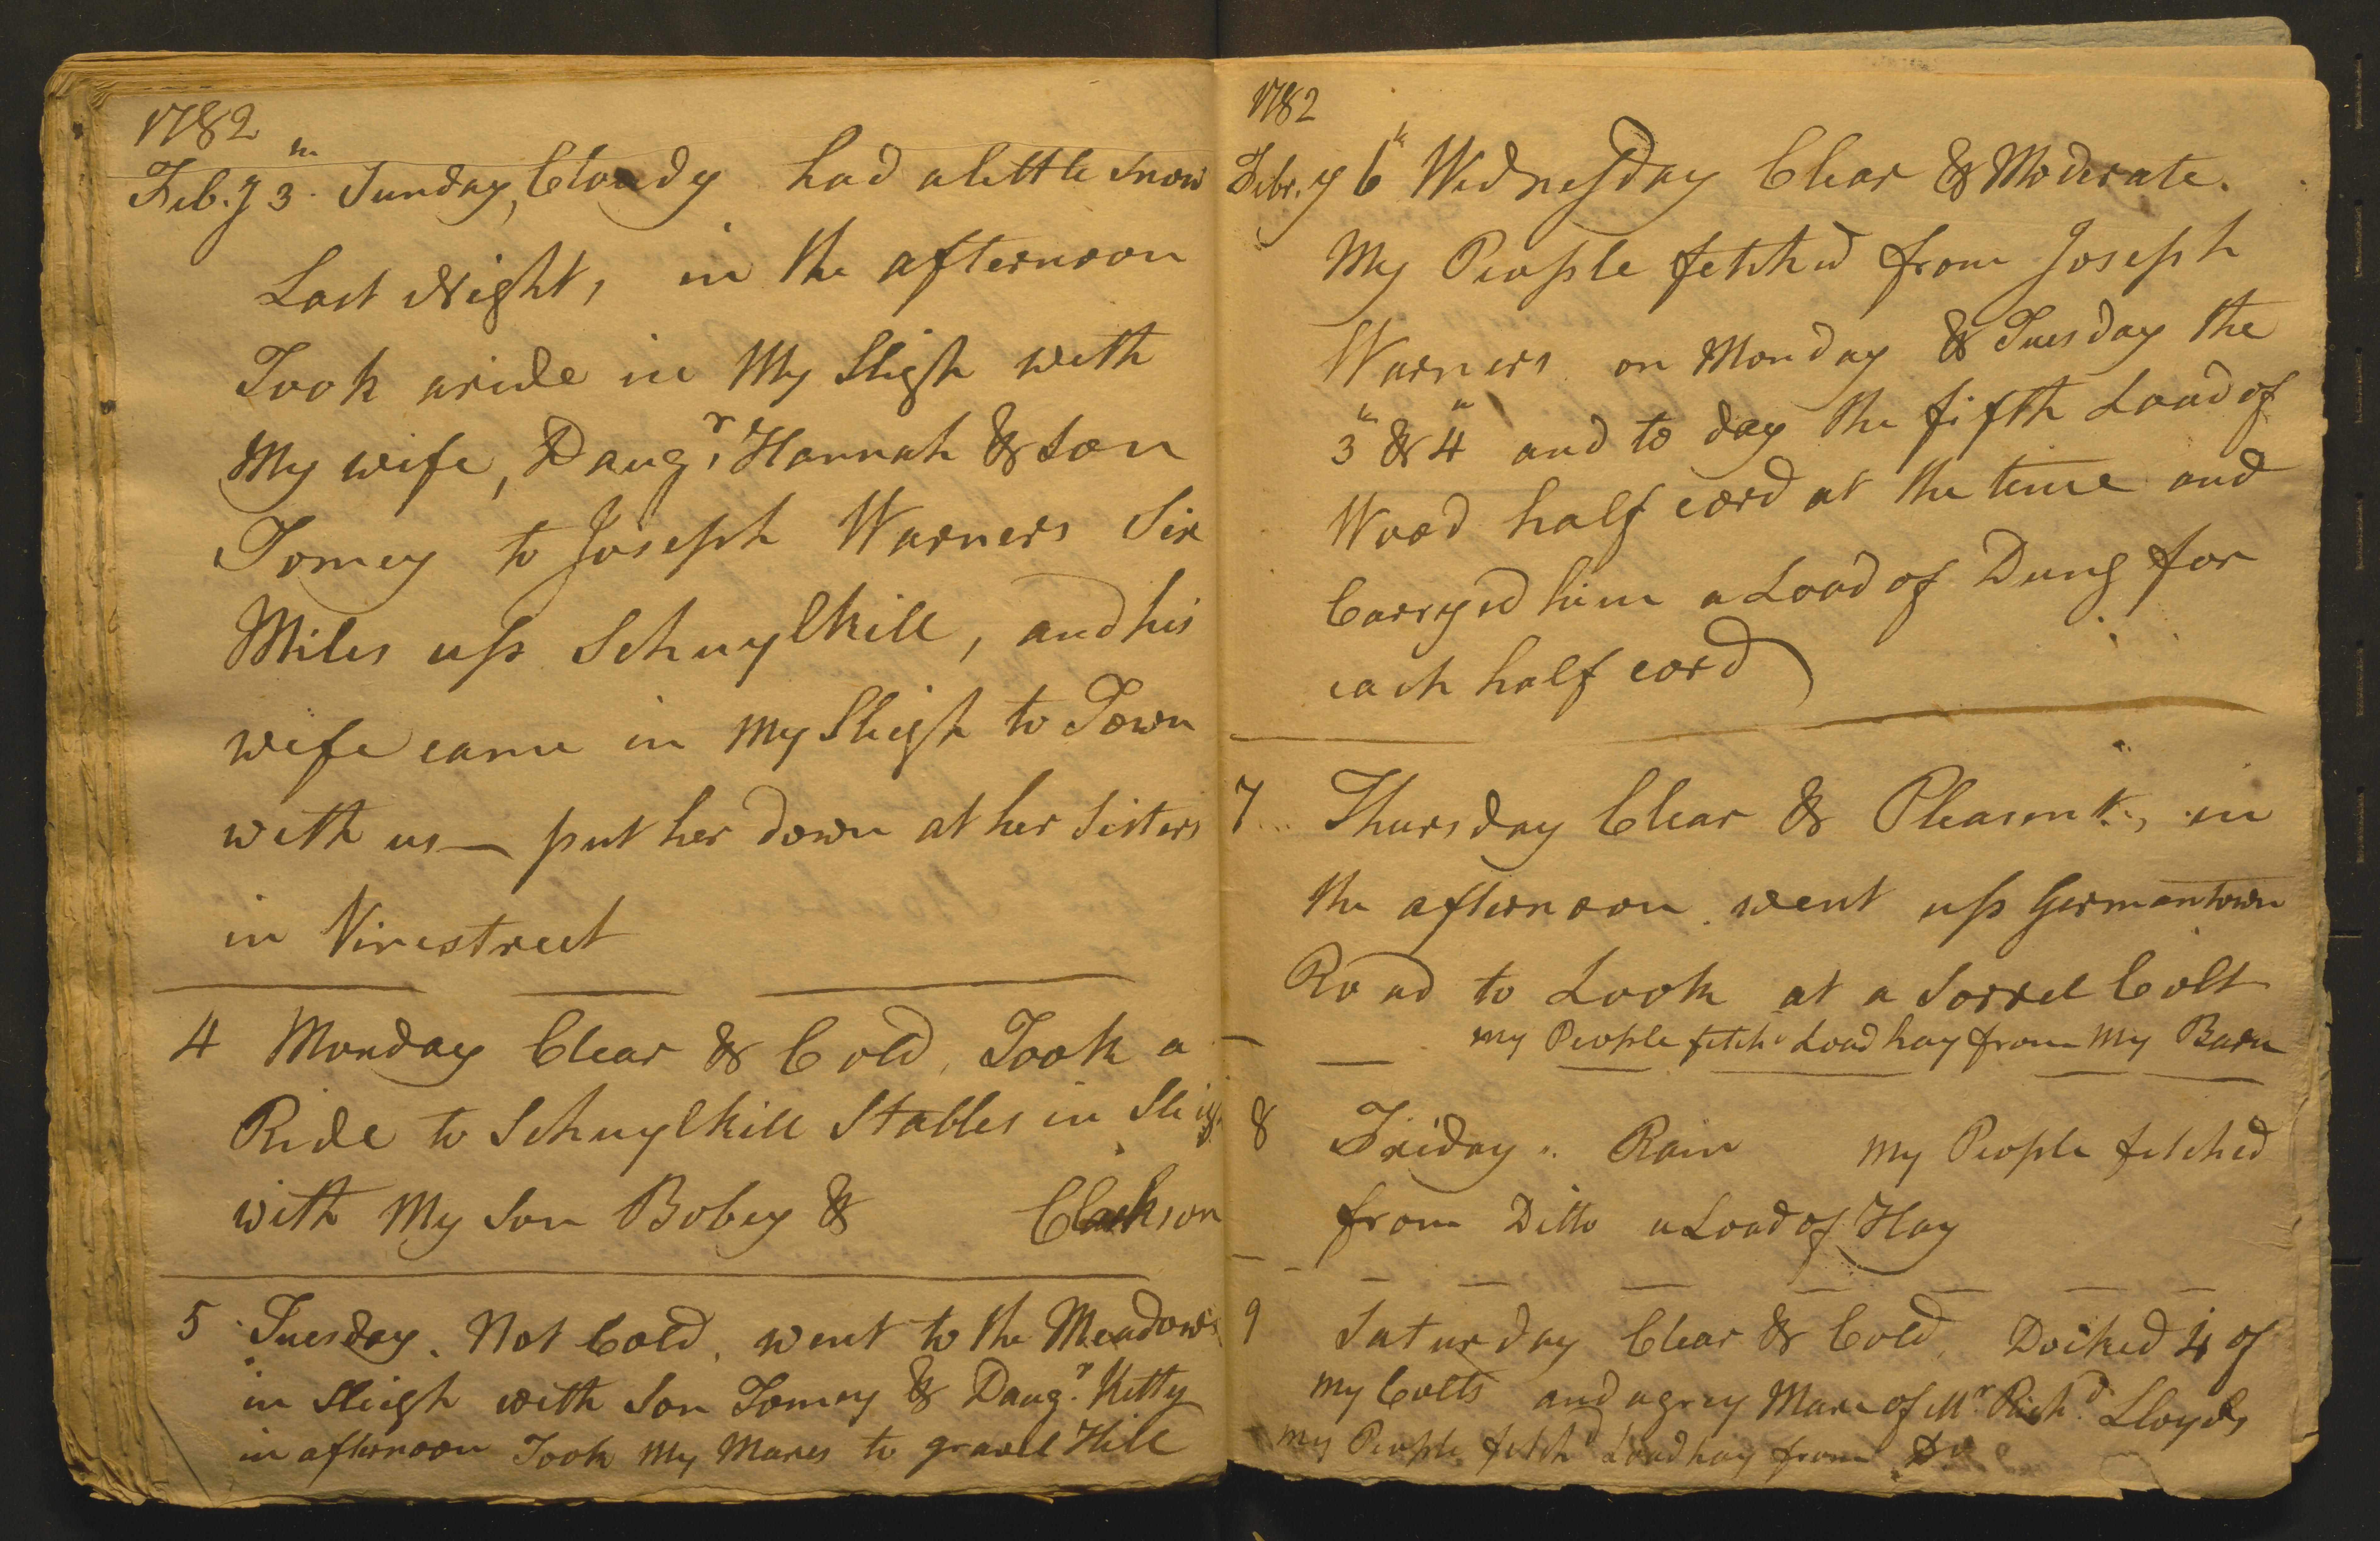1782
Feb.^y 3^th. Sunday, Cloudy had a little snow
Last Night, in the afternoon
Took a ride in My Sleigh with
My wife, Daug^r. Hannah & son
Tomey to Joseph Warners Six
Miles up Schuylkill, and his
wife came in My Sleigh to Town
with us- put her down at her Sisters
in Vine street
4 Monday Clear & Cold. Took a
Ride to Schuylkill Stables in Sleigh
with My Son Bobey & Clarkson
5 Tuesday. Not Cold went to the Meadow
in sleigh with Son Tomey & Daug^r. Kitty
in afternoon Took My Mares to gravel Hill
1782
Febr^y. 6^h Wednesday Clear & Moderate.
My People fetched from Joseph
Warners on Monday & Tuesday the
3^th & 4^h and to day the fifth Load of
Wood half cord at the time, and
Carryed him a Load of Dung for
each half cord
7 Thursday Clear & Pleasent, in
the afternoon. went up Germantown
Road to Look at a sorrel Colt
my People fetch^d Load hay from My Barn
8 Friday. Rain My People fetched
from Ditto a Load of Hay
9 Saturday Clear & Cold, Docked 4 of
my Colts and a grey Mare of M^r. Rich^d. Lloyds
My People fetch^d Load hay from D^o.